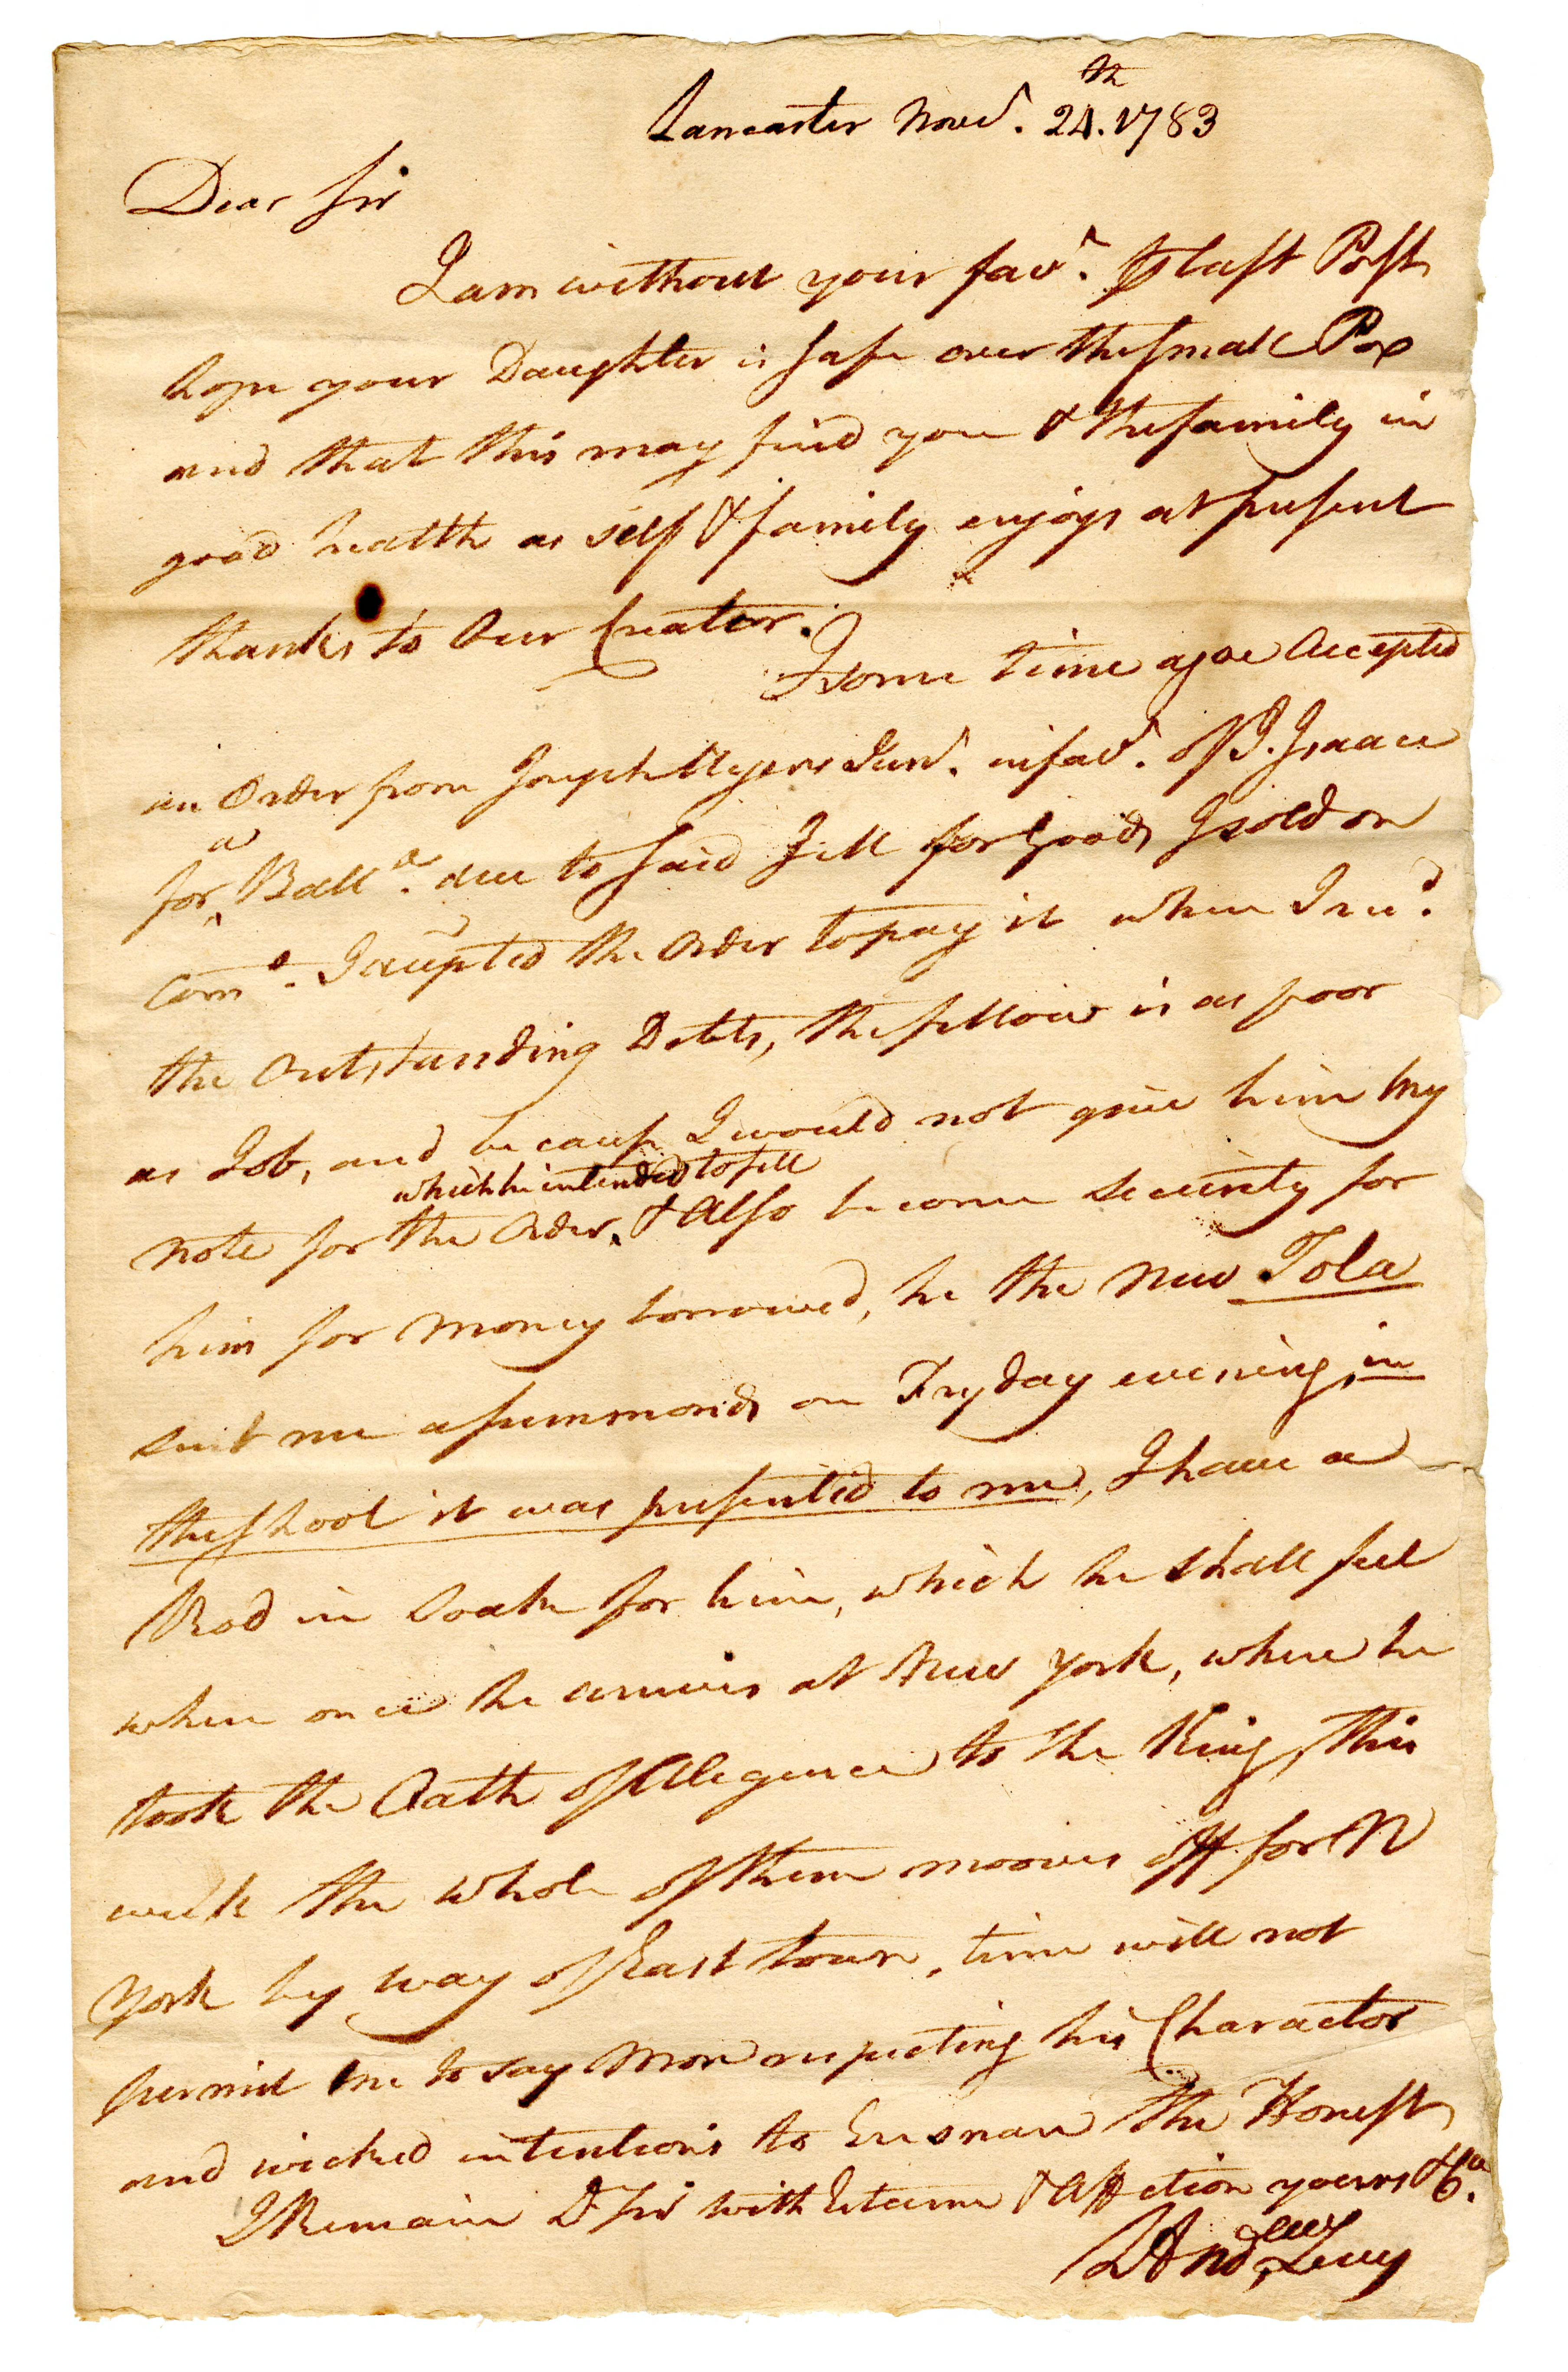Lancaster Nov^r. 24^th. 1783
Dear Sir
I am without your fav^r. per last Post
hope your Daughter is safe over the small Pox
and that this may find you & the family in
good health as self & family enjoys at present
thanks to Our Creator
Some time you Accepted
an Order from Joseph Myers Jun^r. in fav^r. of I. Isaacs
a
for ^ Ball^a. due to said fill for goods I sold on
com^n. I accepted the Order to pay it when I rec^d.
the Outstanding Debts, the fellow is as poor
as Job, and be cause I would not give him my
whic he intended to fill
note for the Order ^ & Also because security for
him for money forward, he the news Tola
sent me a summonds an Fry day evening in
the shool it was presented to me, I have a
Rod in Poak for him, which he shall feel
when once he arrives at New York, where he
took the Oath of Allegiance to the King, this
will the whole of them moving off for N
York by way of Easttown, time will not
permit me to say more respecting his Character
and wicked intentions to Ensnare the Honest
I Remainr D^r sir with esteem & Affection your H^le.
And^rew Levy